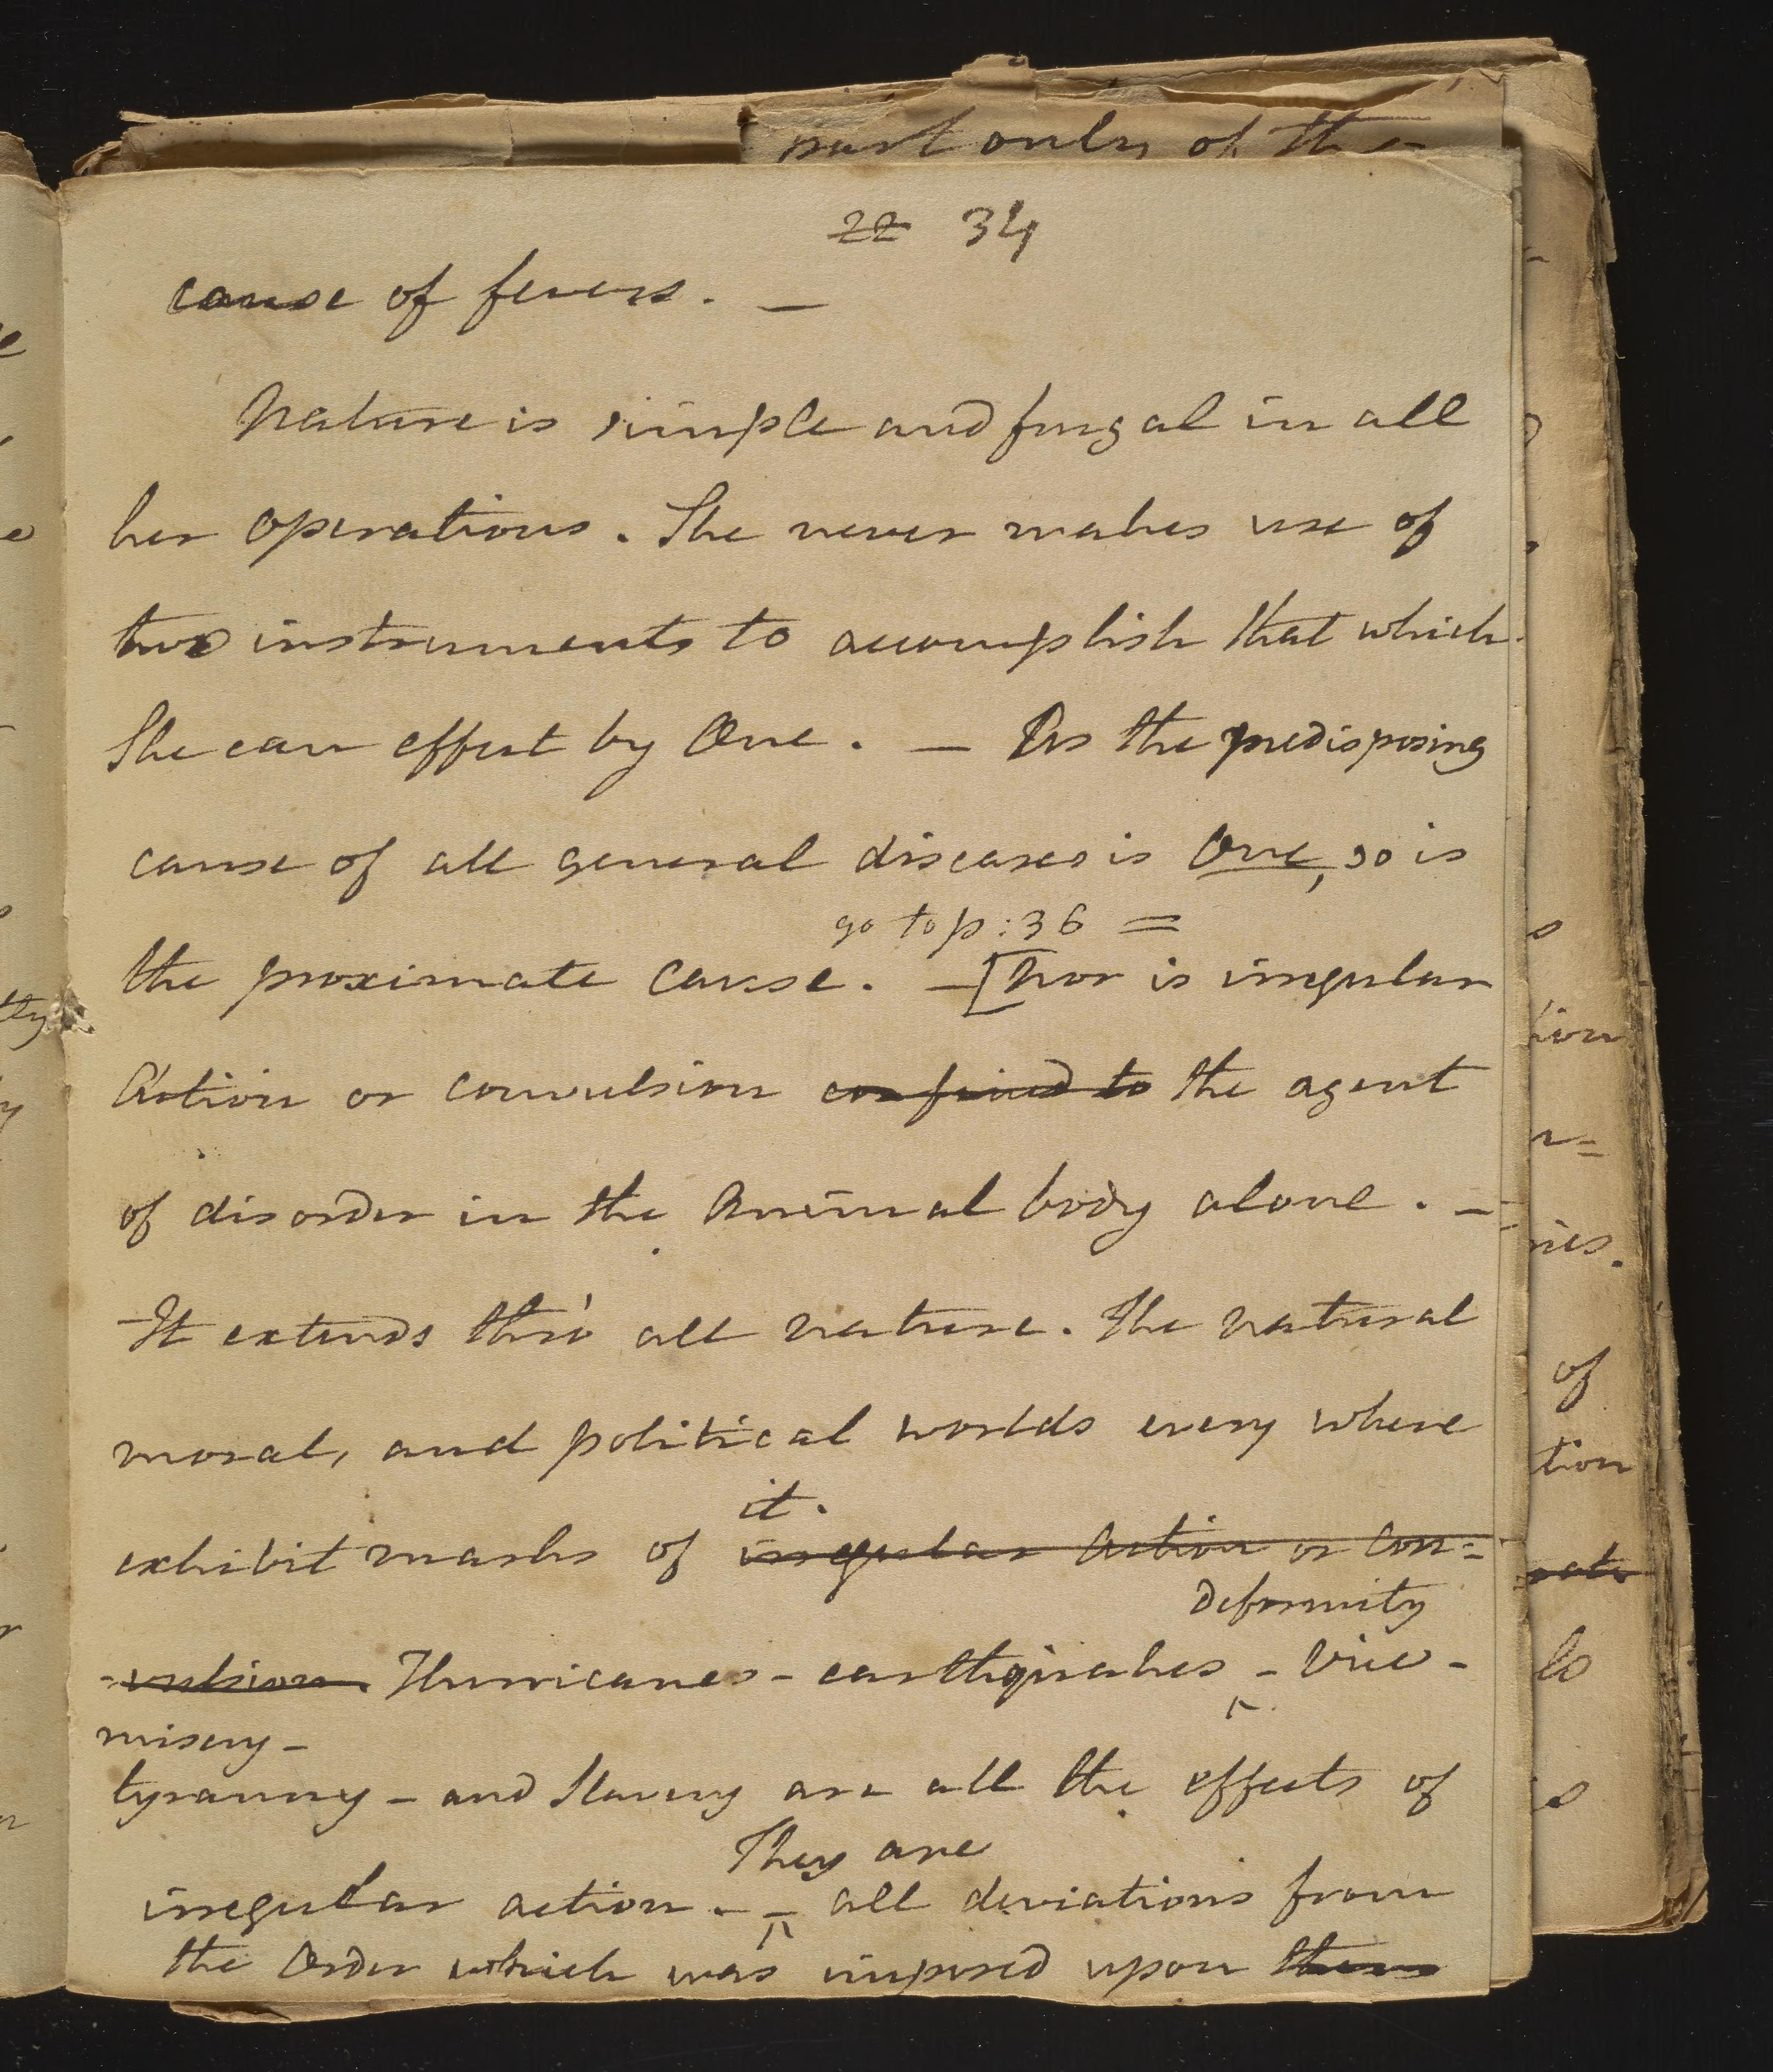34
cause of fevers.
Nature is simple and frugal in all
her operations. She never makes use of
two instruments to accomplish that which
she can effect by one.- On the predisposing
cause of all general diseases is One, so is
go to p. 36-
the proximate cause.- (Nor is irregular
Actions or Convulsion [confined to] the agent
of disorder in the animal body alone.
It extends this all nature. The natural
moral, and political worlds every where
it.
exhibit marks of [irregular Action or con-]
deformity
[-vulsion]. Hurricanes, earthquakes ^ - evil,
misery,
tyranny- and slavery all the effects of
They are
irregular action. ^ - all deviations from
the order which was imposed upon the